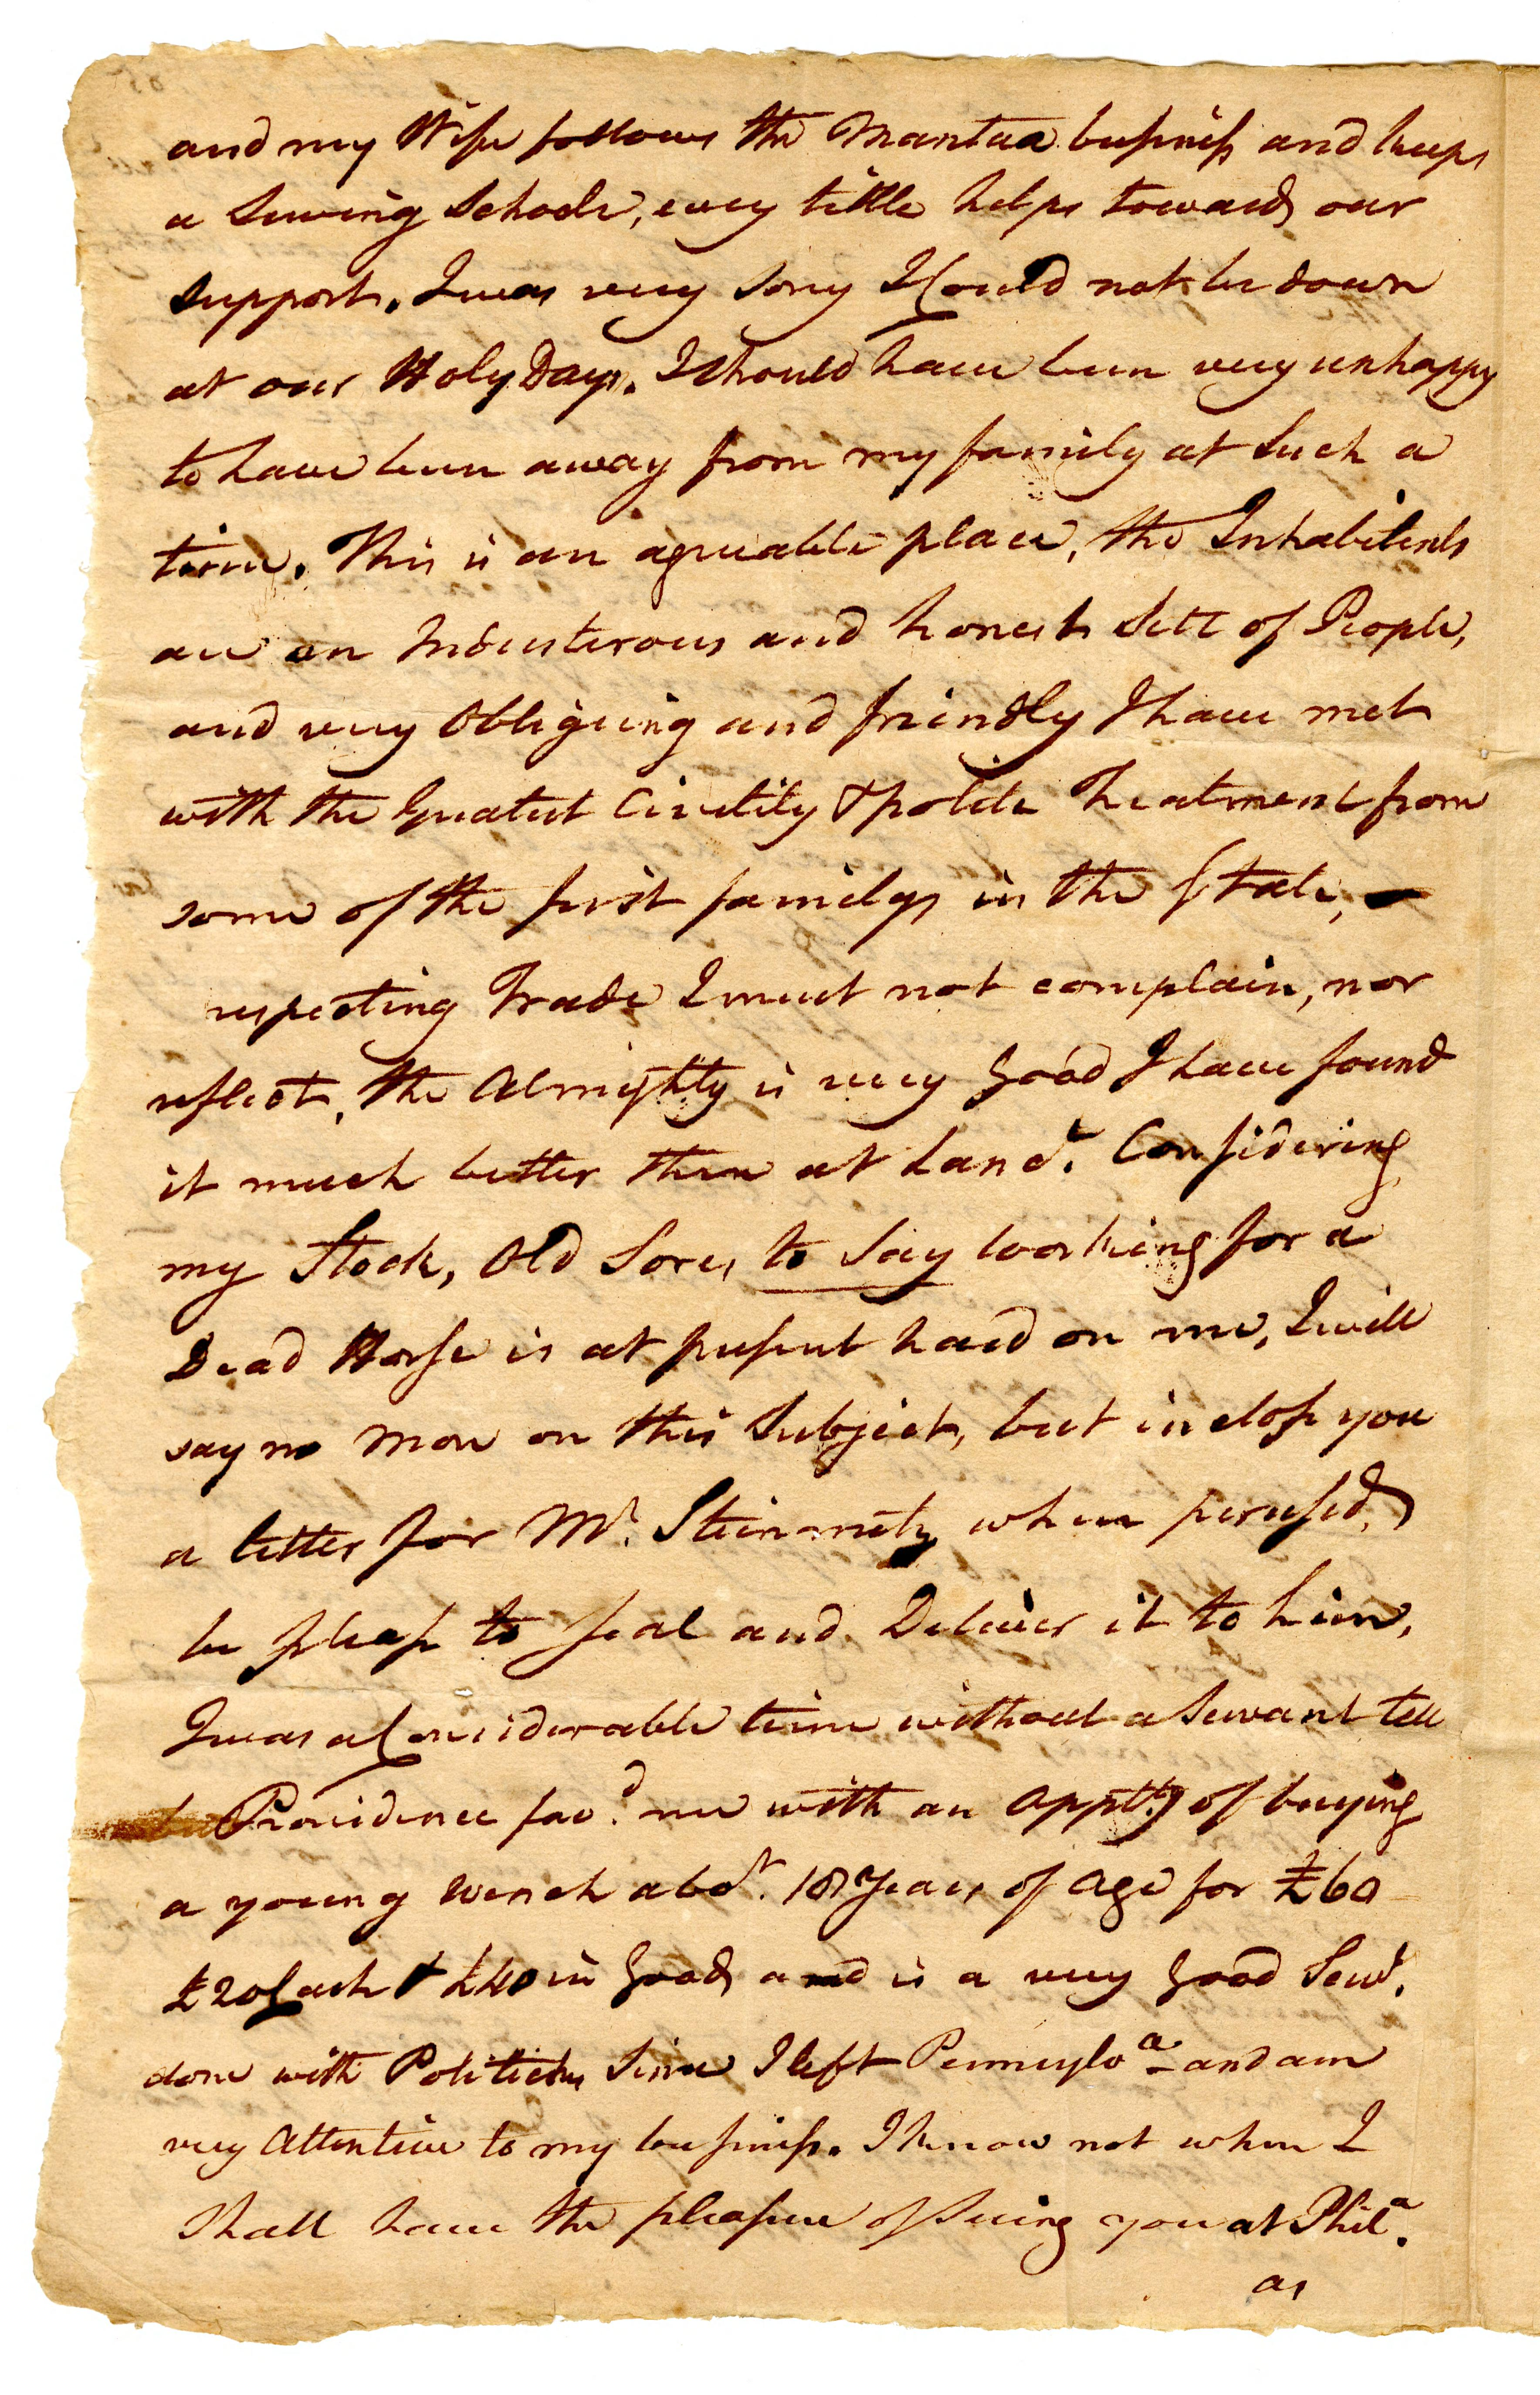and my Wife follows the mantua business and keeps
a sewing Schools, every title helps towards our
suppport. I was very sorry I Could not be down
at our Holy days. I should have been very unhappy
to have been away from my family at such a
time. This is an agreable place, the Inhabitents
are an industrious and honest sort of People,
and very Obliging and friendly I have met
with the Greatest Civility & polite Treatment from
some of the first familys in the State,-
respecting Trade I must not complain, nor
reflect, the Almighty is very good I have found
it much better then at Lanc^r. Considering
my Stock, Old Sore, to say working for a
Dead Horse is at present hard on me, I will
say no more on this Subject, but inclose you
a letter for M^r. Stinanety when perused;
be please to seal and Deliever it to him,
I was a considerable time without a Servant tell
but providence fav^d. me with an opp^ty of buying
a young wench abo^t. 10 years of age for £60
£20 Cash & £40 in goods, and is a very good Ser^t
done with Politicks Since I left Pennsylv^a. and am
very Attentive to my business. I know not when I
shall have the pleasure of Seeing you at Phil^a
as